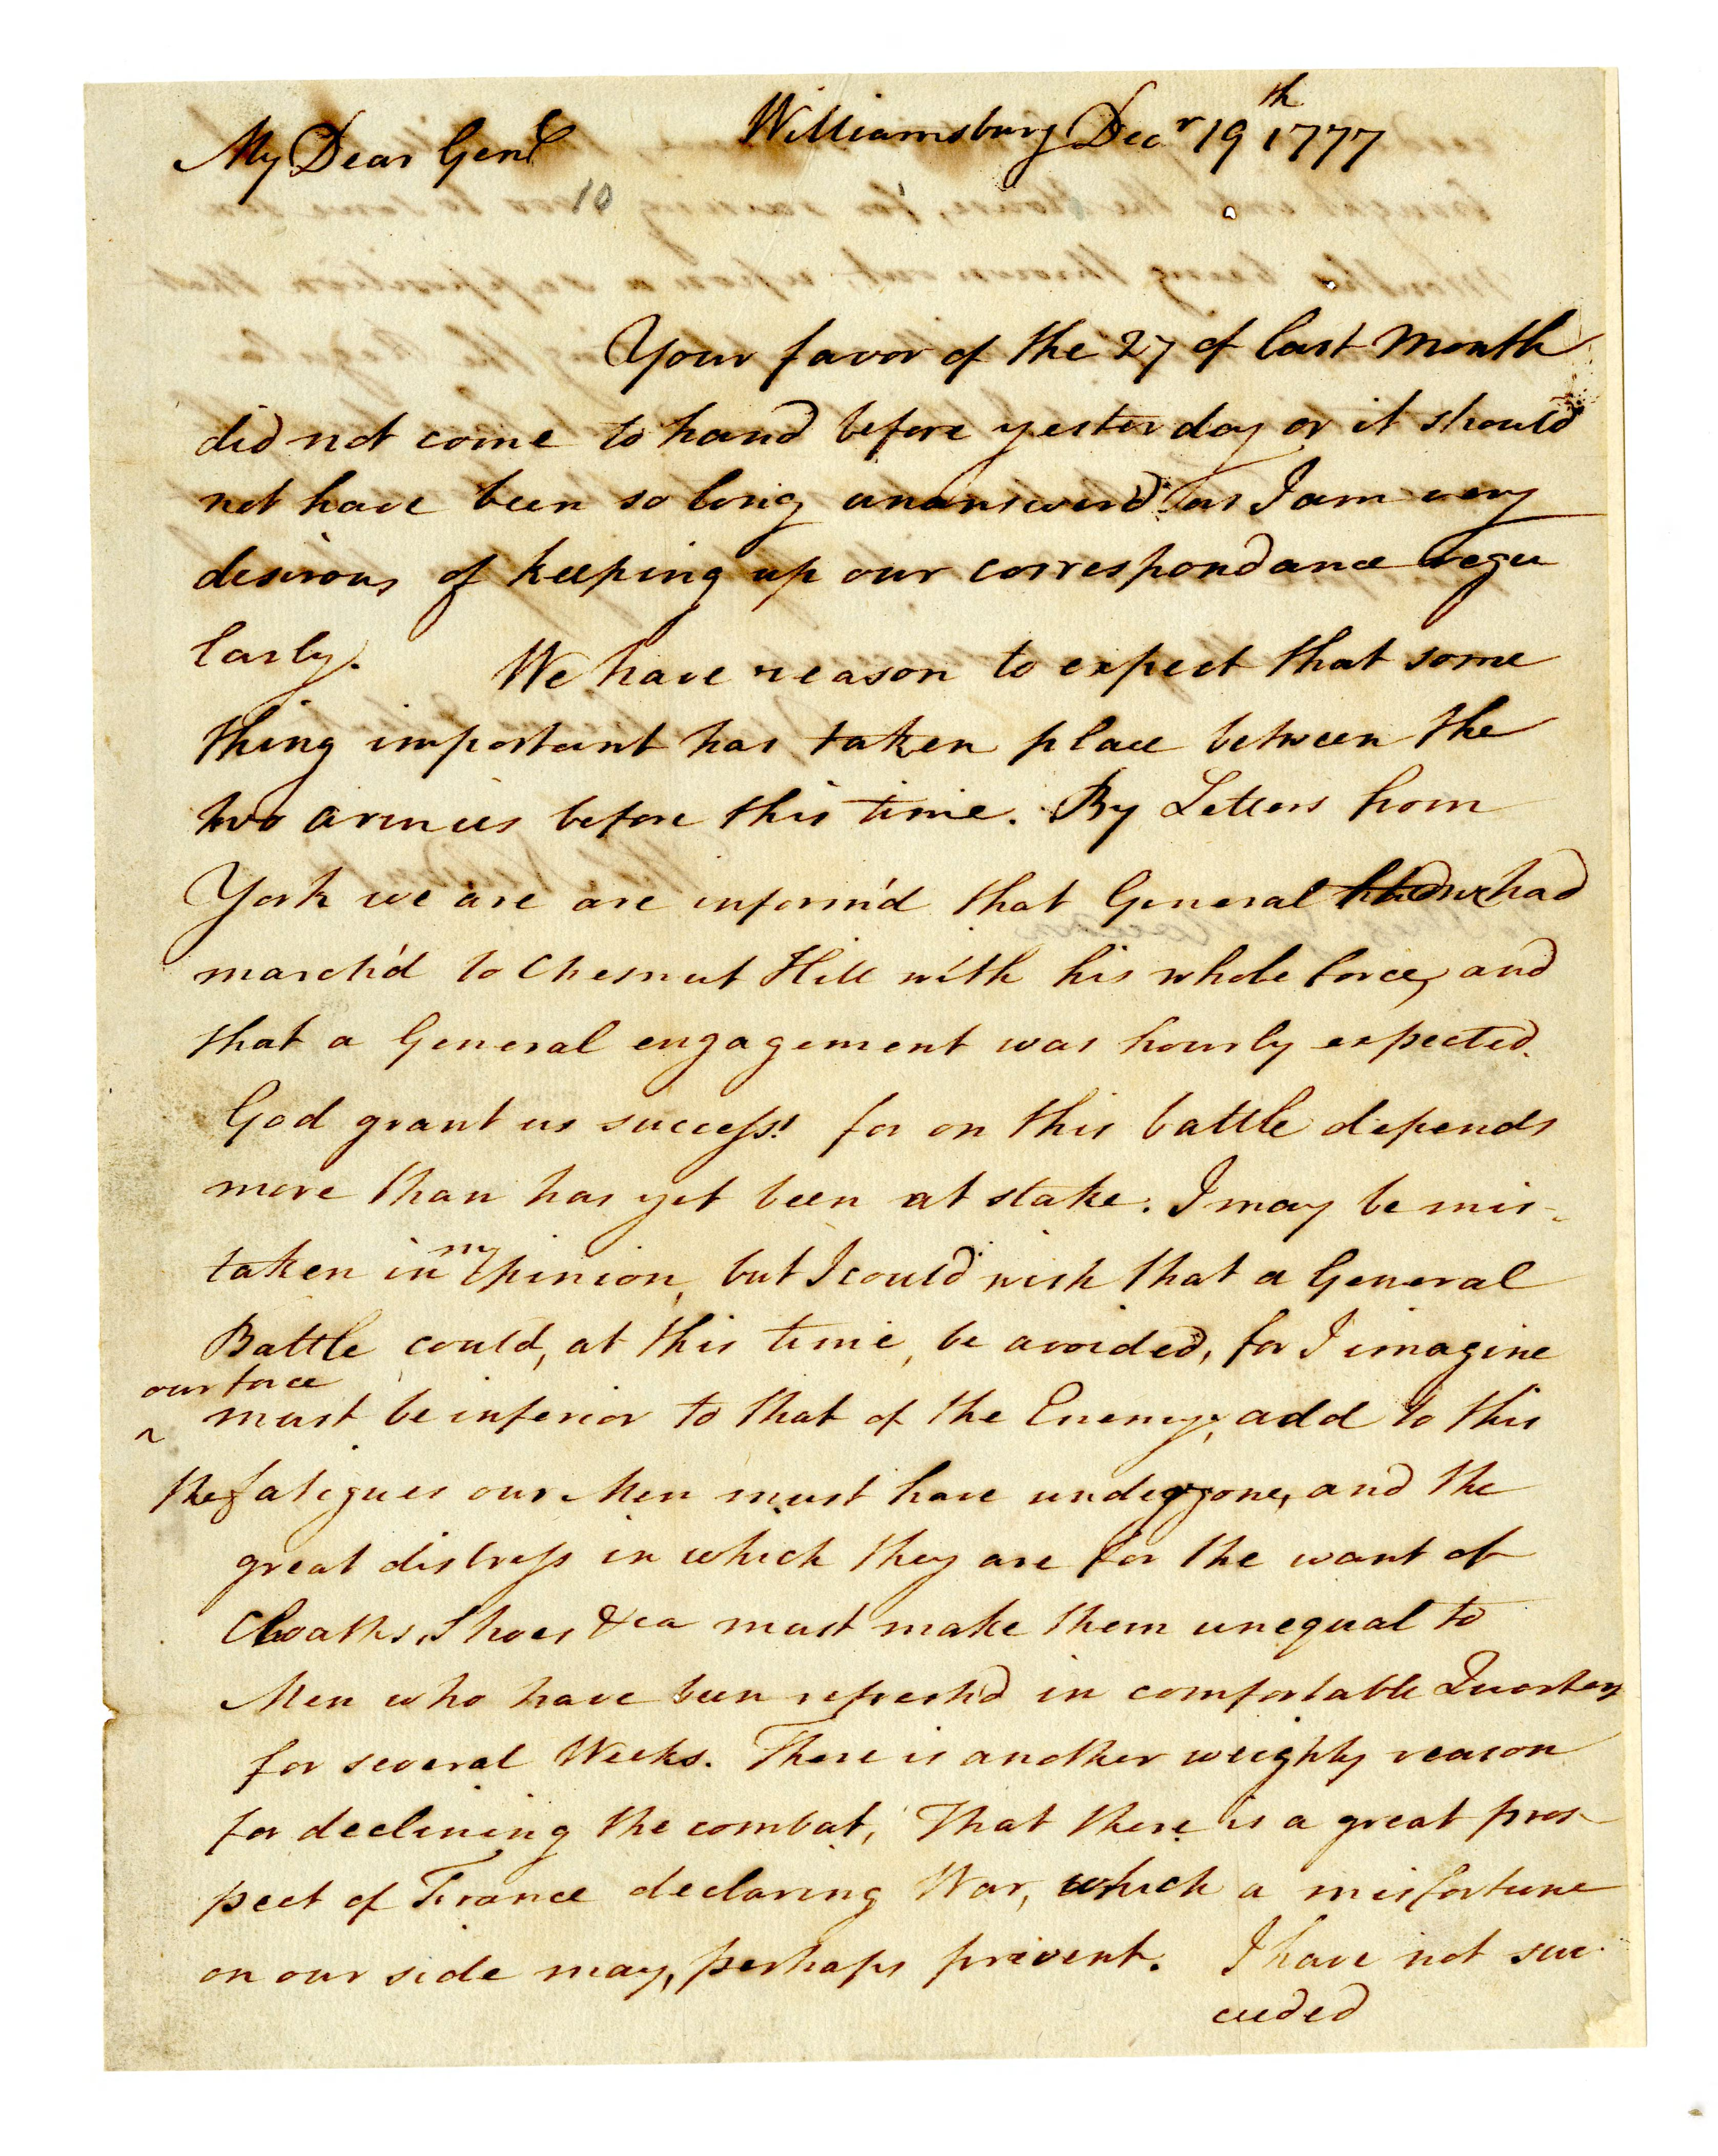Williamsburg Dec^r 19^th 1777
My Der Gen^l
Your favor of the 27 of last month
did not come to hand before yesterday or it should
not have been so long unanswered as I am very
desirous of keeping up our correspondance regu
larly.
We have reason to expect that some
thing important has taken place between the
two armies before this time. By Letters from
York we are are inform'd that General Howe had
march'd to Chestnut Hill with his whole force, and
that a General engagement was hourly expected.
God grant us success! for on this battle depends
more than has yet been at stake. I may be mis-
taken in ^my opinion, but I could wish that a General
Battle could, at this time, be avoided, for I imagine
our force
^ must be inferior to that of the Enemy, add to this
the fatigues our Men must have undergone, and the
great distress in which they are for the want of
Cloaths, Shoes &ca must make them unequal to
Men who have been refresh'd in comfortable Quarters
for several Weeks. There is another weighty reason
for declining the combat, That there is a great pros-
pect of France declaring War, which a misfortune
on our side may, perhaps prevent. I have not suc
ceeded